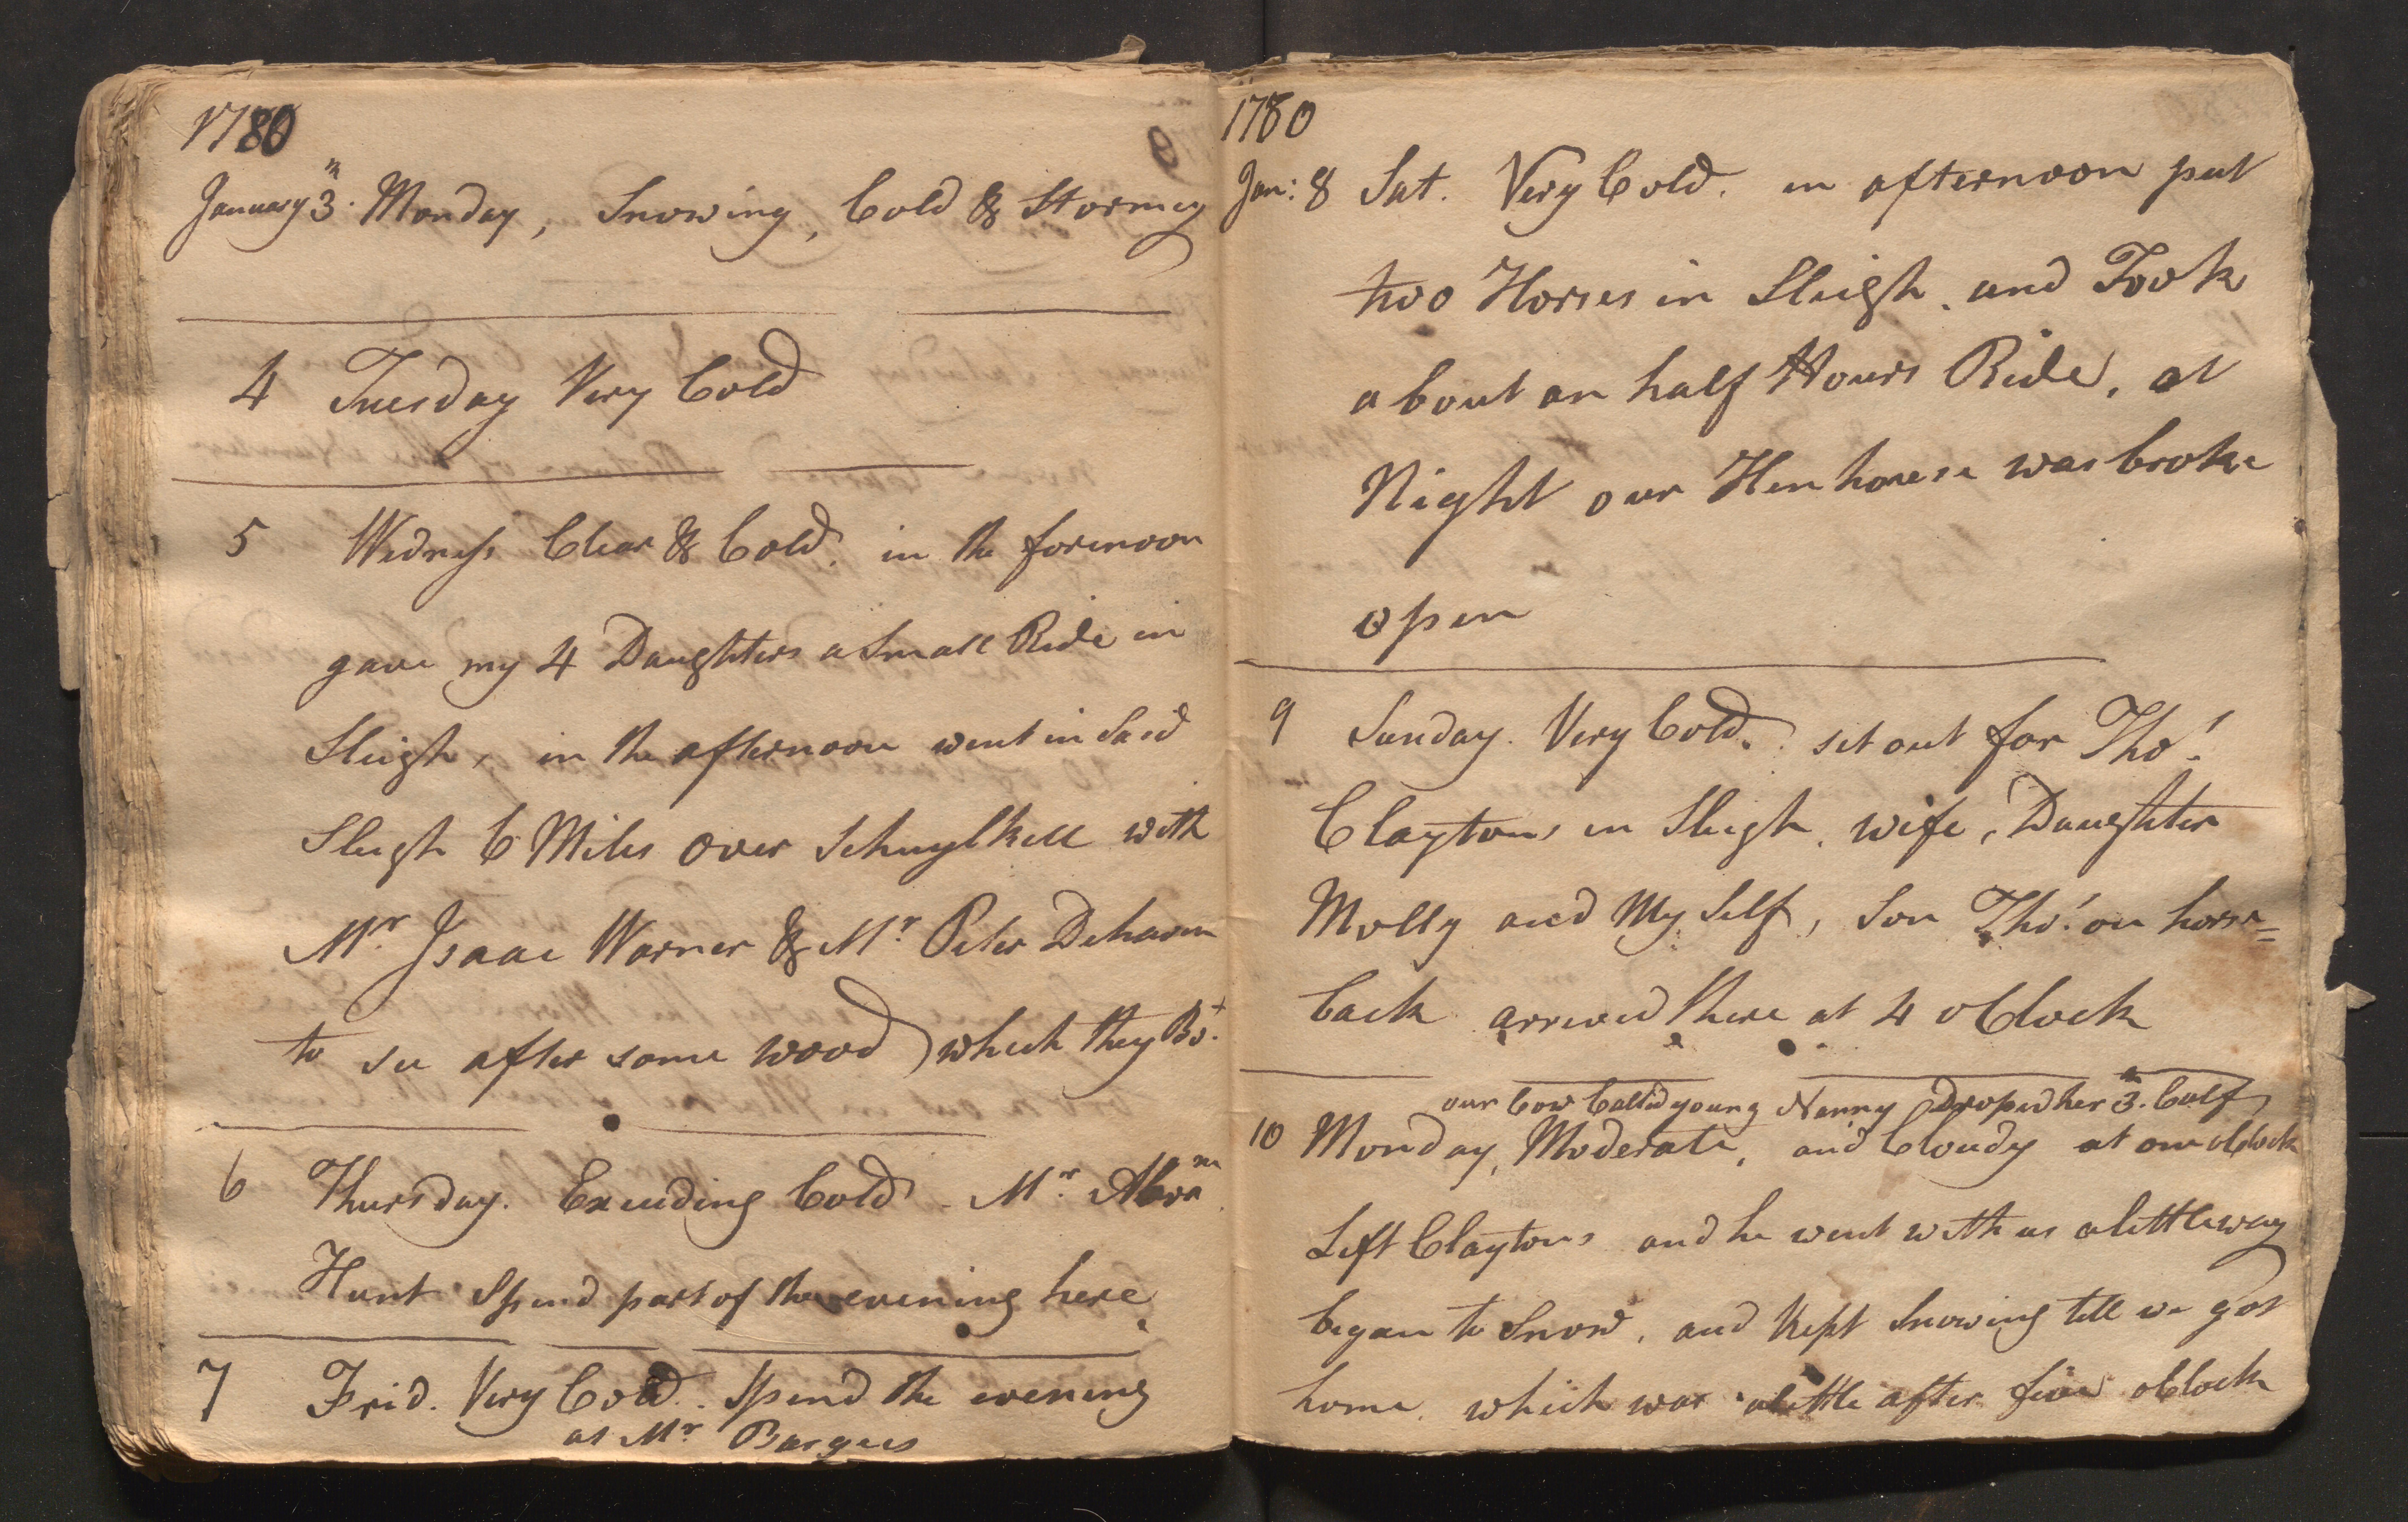1780
January 3^th. Monday, Snowing, Cold & Stormey
4 Tuesday Very Cold
5 Wedness Clear & Cold. in the forenoon
gave my 4 Daughters a small Ride in
Sleigh, in the afternoon went in said
Sleigh 6 Miles over Schuylkill with
M^r. Isaac Warner & M^r. Peter Dehavan
to see after some wood which they Bo^t.
6 Thursday. Exceeding Cold M^r. Abra^m.
Hunt spend part of the evening here
7 Frid. Very Cold. spend the evening
at M^r. Bargees
1780
Jan: 8 Sat. Very Cold. in afternoon put
two Horses in Sleigh, and Took
about an half Hours Ride, at
Night our Hen houses was broke
open
9 Sunday. Very Cold. set out for Tho^s.
Claytons in Sleigh. wife, Daughter
Molly and My self, Son Tho^s. on horse-
back arrived there at 4 oClock
sur Cow Calld young Nanny Droped her 3^th. Calf
10 Monday, Moderate, and Cloudy at one oClock
Left Claytons and he went with us a little way
began to snow, and kept snowing till we got
home, which was a little after five oClock